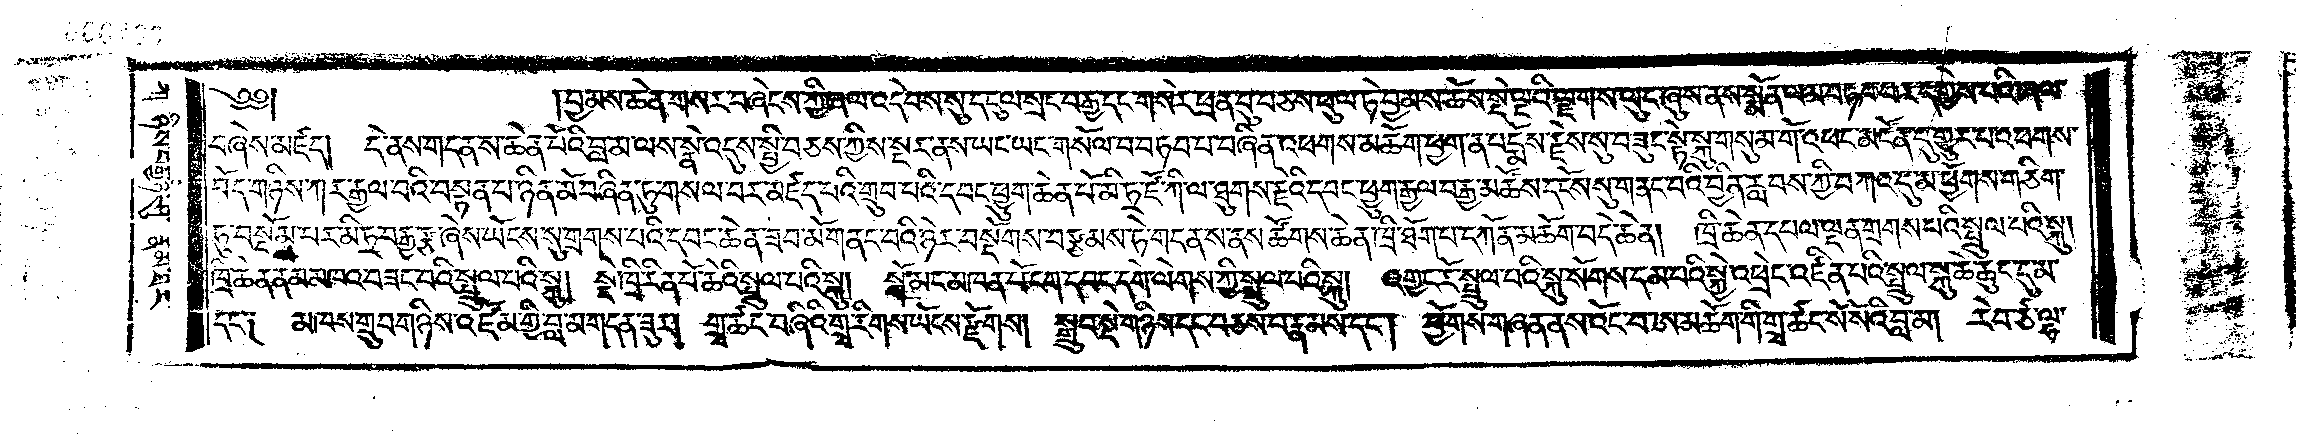༄༅། །བྱམས་ཆེན་གསར་བཞེངས་ཀྱི་ཞལ་འདེབས་སུ་དངུལ་སྲང་བརྒྱ་དང་གསེར་ཕྲན་བུ་བཅས་ཕུལ་ཏེ་བྱམས་ཆོས་སྡེ་ལྔའི་ལྗགས་ལུང་ཞུས་ནས་སྨོན་ལམ་བཏབ་པར་དགྱེས་པའི་ཞལ་
བཞེས་མཛད། དེ་ནས་གདན་ས་ཆེན་པོའི་བླ་མ་ལས་སྣེ་འདུས་སྤྱི་བཅས་ཀྱིས་སྔར་ནས་ཡང་ཡང་གསོལ་བ་བཏབ་པ་བཞིན་འཕགས་མཆོག་ཕྱག་ན་པདམོས་རྗེས་སུ་བཟུང་སྟེ་སྐུ་གསུམ་གོ་འཕང་མངོན་དུ་གྱུར་པ་འཕགས་
བོད་གཉིས་ཀར་རྒྱལ་བའི་བསྟན་པ་ཉིན་མོ་བཞིན་དུ་གསལ་བར་མཛད་པའི་སྒྲུབ་པའི་དབང་ཕྱུག་ཆེན་པོ་མི་ཏྲ་ཛོ་ཀི་ལ་ཐུགས་རྗེའི་དབང་ཕྱུག་རྒྱལ་མ་རྒྱ་མཚོས་དངོས་སུ་གནང་བའི་བྱིན་རླབས་ཀྱི་བཀའ་དུ་མ་ཕྱོགས་གཅིག་
ཏུ་བསྔོམ་པར་མི་ཏྲ་བརྒྱ་རྩ་ཞེས་ཡོངས་སུ་གྲགས་པའི་དབང་ཆེན་ཟབ་མོ་གནང་བའི་ཉེར་བསྡོགས་བརྩམས་ཏེ་གདན་ས་ནས་ཚོགས་ཆེན་ཁྲི་ཐོག་པ་དཀོན་མཆོག་བདེ་ཆེན། ཁྲི་ཆེན་དཔལ་ལྡན་གྲགས་པའི་སྤྲུལ་པའི་སྐུ།
ཁྲི་ཆེན་ནམ་མཁའ་བཟང་པའི་སྤྲུལ་པའི་སྐུ། སྡེ་ཁྲི་རིན་པོ་ཆེའི་སྤྲུལ་པའི་སྐུ། སྒོ་མང་མཁན་པོ་ངག་དབང་དགེ་ལེགས་ཀྱི་སྤྲུལ་པའི་སྐུ། འགྱང་རོ་སྤྲུལ་པའི་སྐུ་སོགས་དམ་པའི་སྐྱེ་འཕྲེང་འཛིན་པའི་སྤྲུལ་སྐུ་ཆེ་ཆུང་དུ་མ་
དང༑ མཁས་གྲུབ་གཉིས་འཛོམ་གྱི་བླ་མ་གདན་ཟུར། གྲྭ་ཚང་བཞིའི་གྲྭ་རིགས་ཡོངས་རྫོགས། སྒྲུབ་སྡེ་གཉིས་དང་བཅས་པ་རྣམས་དང་། ཕྱོགས་གཞན་ནས་འོང་བ་ཨ་མཆོག་གི་གྲྭ་ཚང་སོ་སོའི་བླ་མ། རེ་བ་ཙ་ལྷ་